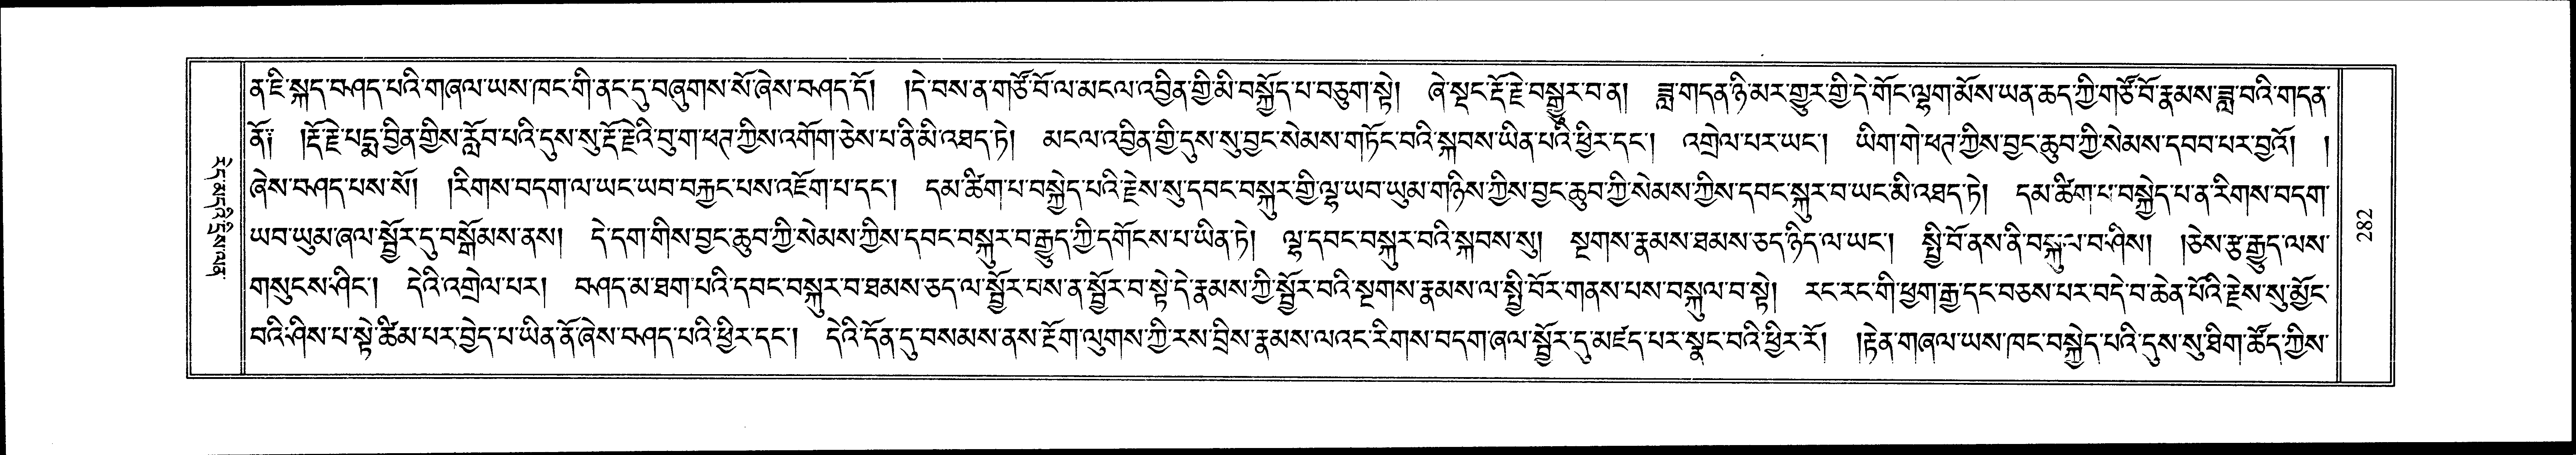ན་ཇི་སྐད་བཤད་པའི་གཞལ་ཡས་ཁང་གི་ནང་དུ་བཞུགས་སོ་ཞེས་བཤད་དོ། །དེ་བས་ན་གཙོ་བོ་ལ་མངལ་འབྱིན་གྱི་མི་བསྐྱོད་པ་བཅུག་སྟེ། ཞེ་སྡང་རྡོ་རྗེ་བསྒྱུར་བ་ན། ཟླ་གདན་ཉི་མར་གྱུར་གྱི་དེ་གོང་ལྷག་མོས་ཡན་ཆད་ཀྱི་གཙོ་བོ་རྣམས་ཟླ་བའི་གདན་
ནོ། །རྡོ་རྗེ་པདམ་བྱིན་གྱིས་རློབ་པའི་དུས་སུ་རྡོ་རྗེའི་བུ་ག་ཕཊ་ཀྱིས་འགོག་ཅེས་པ་ནི་མི་འཐད་ཏེ། མངལ་འབྱིན་གྱི་དུས་སུ་བྱང་སེམས་གཏོང་བའི་སྐབས་ཡིན་པའི་ཕྱིར་དང་། འགྲེལ་པར་ཡང་། ཡིག་གེ་ཕཊ་ཀྱིས་བྱང་ཆུབ་ཀྱི་སེམས་དབབ་པར་བྱའོ། །
ཞེས་བཤད་པས་སོ། །རིགས་བདག་ལ་ཡང་ཡབ་བརྐྱང་པས་འཇོག་པ་དང་། དམ་ཚིག་པ་བསྐྱེད་པའི་རྗེས་སུ་དབང་བསྐུར་གྱི་ལྷ་ཡབ་ཡུམ་གཉིས་ཀྱིས་བྱང་ཆུབ་ཀྱི་སེམས་ཀྱིས་དབང་སྐུར་བ་ཡང་མི་འཐད་ཏེ། དམ་ཚིག་པ་བསྐྱེད་པ་ན་རིགས་བདག་
ཡབ་ཡུམ་ཞལ་སྦྱོར་དུ་བསྒོམས་ནས། དེ་དག་གིས་བྱང་ཆུབ་ཀྱི་སེམས་ཀྱིས་དབང་བསྐུར་བ་རྒྱུད་ཀྱི་དགོངས་པ་ཡིན་ཏེ། ལྷ་དབང་བསྐུར་བའི་སྐབས་སུ། སྔགས་རྣམས་ཐམས་ཅད་ཉིད་ལ་ཡང་། སྤྱི་བོ་ནས་ནི་བསྐུལ་བ་ཤིས། །ཅེས་རྩ་རྒྱུད་ལས་
གསུངས་ཤིང་། དེའི་འགྲེལ་པར། བཤད་མ་ཐག་པའི་དབང་བསྐུར་བ་ཐམས་ཅད་ལ་སྦྱོར་བས་ན་སྦྱོར་བ་སྟེ་དེ་རྣམས་ཀྱི་སྦྱོར་བའི་སྔགས་རྣམས་ལ་སྤྱི་བོར་གནས་པས་བསྐུལ་བ་སྟེ། རང་རང་གི་ཕྱག་རྒྱ་དང་བཅས་པར་བདེ་བ་ཆེན་པོའི་རྗེས་སུ་མྱོང་
བའི་ཤིས་པ་སྟེ་ཚིམ་པར་བྱེད་པ་ཡིན་ནོ་ཞེས་བཤད་པའི་ཕྱིར་དང་། དེའི་དོན་དུ་བསམས་ནས་རྔོག་ལུགས་ཀྱི་རས་བྲིས་རྣམས་ལའང་རིགས་བདག་ཞལ་སྦྱོར་དུ་མཛད་པར་སྣང་བའི་ཕྱིར་རོ། །རྟེན་གཞལ་ཡས་ཁང་བསྐྱེད་པའི་དུས་སུ་ཐིག་ཚོད་ཀྱིས་